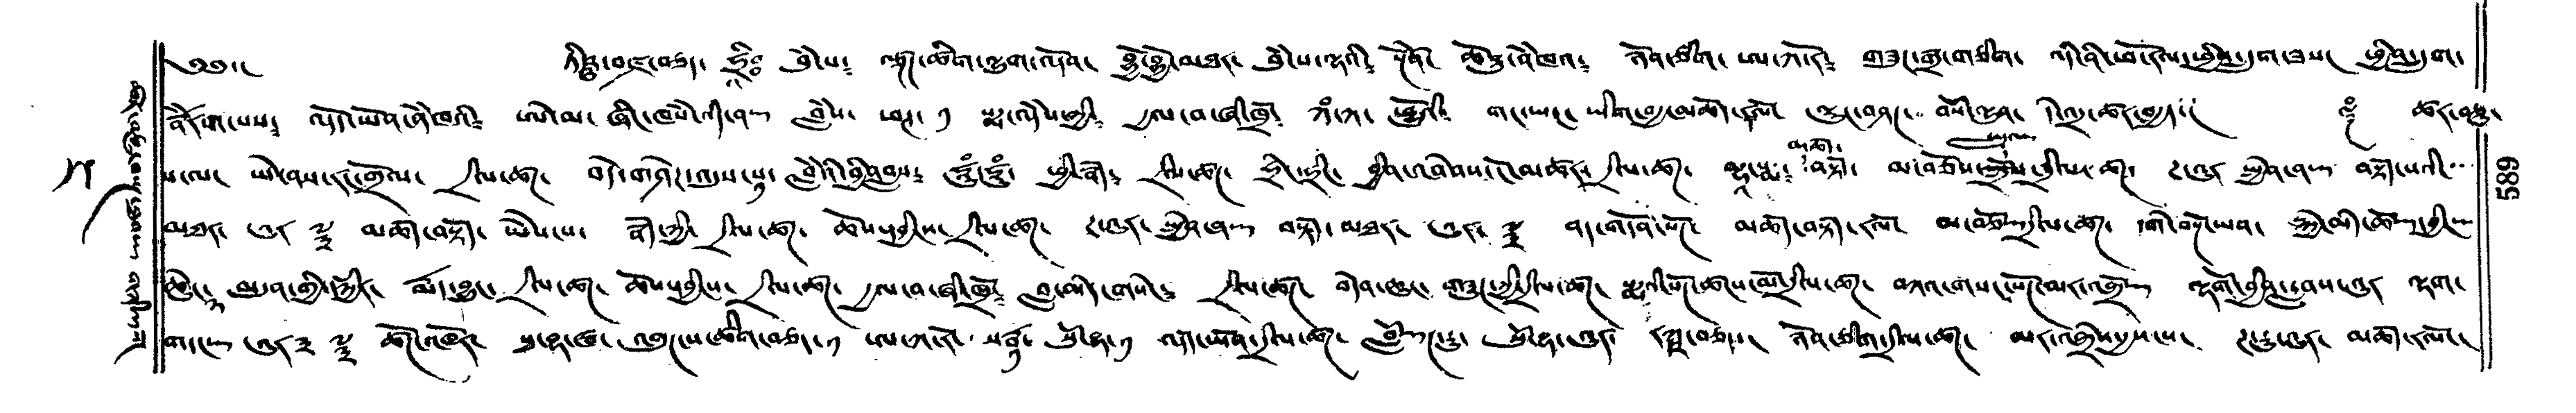ཏིཥྛ་བཛྲ། བཅད། ཧྲཱིཿ བུམ་པ༴ རྩ་སྔགས་ཚིག་ལྷུག་འདོན། བྷྱོ་བྷྱོ། མཐར། བུམ་པ་ལྷའི༴ སྔོན་ཚེ། ཆོས་སྐུ་ནམ་མཁའ༴ ཉོན་ཅིག༴ ཨ་ཀ་རོ༴ གཟུགས་སྒྲ་གཅིག༴ འདི་ནི་ཕ་རོལ་ཕྱིན་དྲུག་ཟས། །ཕྱིན་དྲུག་
རྣམ་པར་དག་པས༴ འདོད་ཡོན་ནམ་མཁའི༴ ཨེ་མ་ཞིང་ཁམས་འདི༴ ནས། བླ་མས། ཕཊ་གཅིག པདྨ་འདམ་གྱི༴ རྒྱལ་བ་ཞི་ཁྲོ༴ ཀཾ་ཀ༴ ཕྱོགས་བཅུའྀ༴ གང་ཡང༴ ཡིག་བརྒྱ། མཆོད་རོལ། ལྟུང་བཤགས། བསམ་ལྷུན། དེ་འདྲ་ཚར་བརྒྱད། ༈ ཚར་བཅུ་
པ་ལ། ཡེ་ནས་རང་གྲོལ༴ དྲིལ་ཚག བདེ་གཤེགས་འདུས་པ༴ གཅིག བླ་མའི་བྱིན་རླབས༴ ཧཱུཾ་ཧཱུཾ། ཕྱི་སྣོད༴ དྲིལ་ཚག ཧྲིང་ཧྲིང་། བྱིན་འབེབས། ངོ་མཚར༴ དྲིལ་ཚག མ་ཧཱ་པདྨ༴ མཆོད་བསྟོད། མ་བཅོས་སྤྲུལ༴ ཚག ཌཱ་འུར། སྤྱན་འདྲེན་ནས། བསྟོད་པའི་
མཐར། འུར་བདུན་གསུམ། མཆོད་བསྟོད། ཡེ་ཤེས་པ༴ སྣོད་ཀྱི༴ དྲིལ་ཚག ཆོས་དབྱིངས༴ དྲིལ་ཚག ཌཱ་འུར། སྤྱན་འདྲེན་ནས། བསྟོད། མཐར། འུར་བདུན་གསུམ། ནད་གདོན༴ སོགས། མཆོད་བསྟོད་རོལ། མ་བཅོས༴ དྲིལ་ཚག དགེ་བསྔོ་ཡན། སྐྱེ་མེད་ཆོས་དབྱིངས༴ 
ཆེ་ཆུང་གཉིས། མདུན་གྱི་དཀྱིལ་འཁོར༴ རྨད་བྱུང༴ དྲིལ་ཚག ཆོས་དབྱིངས༴ དྲིལ་ཚགརྒྱལ་བ་ཞི་ཁྲོ༴ བླ་མེད་གསང༴ དྲིལ་ཚག བདེན་ཆུང་། གཟུགས་ཀྱི༴ དྲིལ་ཚག པདྨའི༴ སོགས་ཚངས་མོ་དྲིལ་ཚག བཀའ་གསང༴ སོགས་མར་འགྲོས། ལྷག་མ་བྱིན་རླབས་འུར། ལྷག་
གདངས། འུར་གསུམ། བདུན་གསུམ། ཚོགས་འཁོར། སྭ་བྷ་ཝ༴ འགུགས་པ་ཚིགས་བཅད་གཅིག ཨ་ཀ་རོ༴ སརྦ༴ གཅིག སུམ་བྷ༴ གཅིག འདོད་ཡོན༴ དྲིལ་ཚག བླ་མ་ཌཱ་རུ། སུམ་བྷ༴ འུར། རཀྵ༴ བཅད། ཉོན་ཅིག༴ དྲིལ་ཚག མར་འགྲེས་རྒྱས་པ། ཌཱ་རུ་འུར། མཆོད་རོལ།